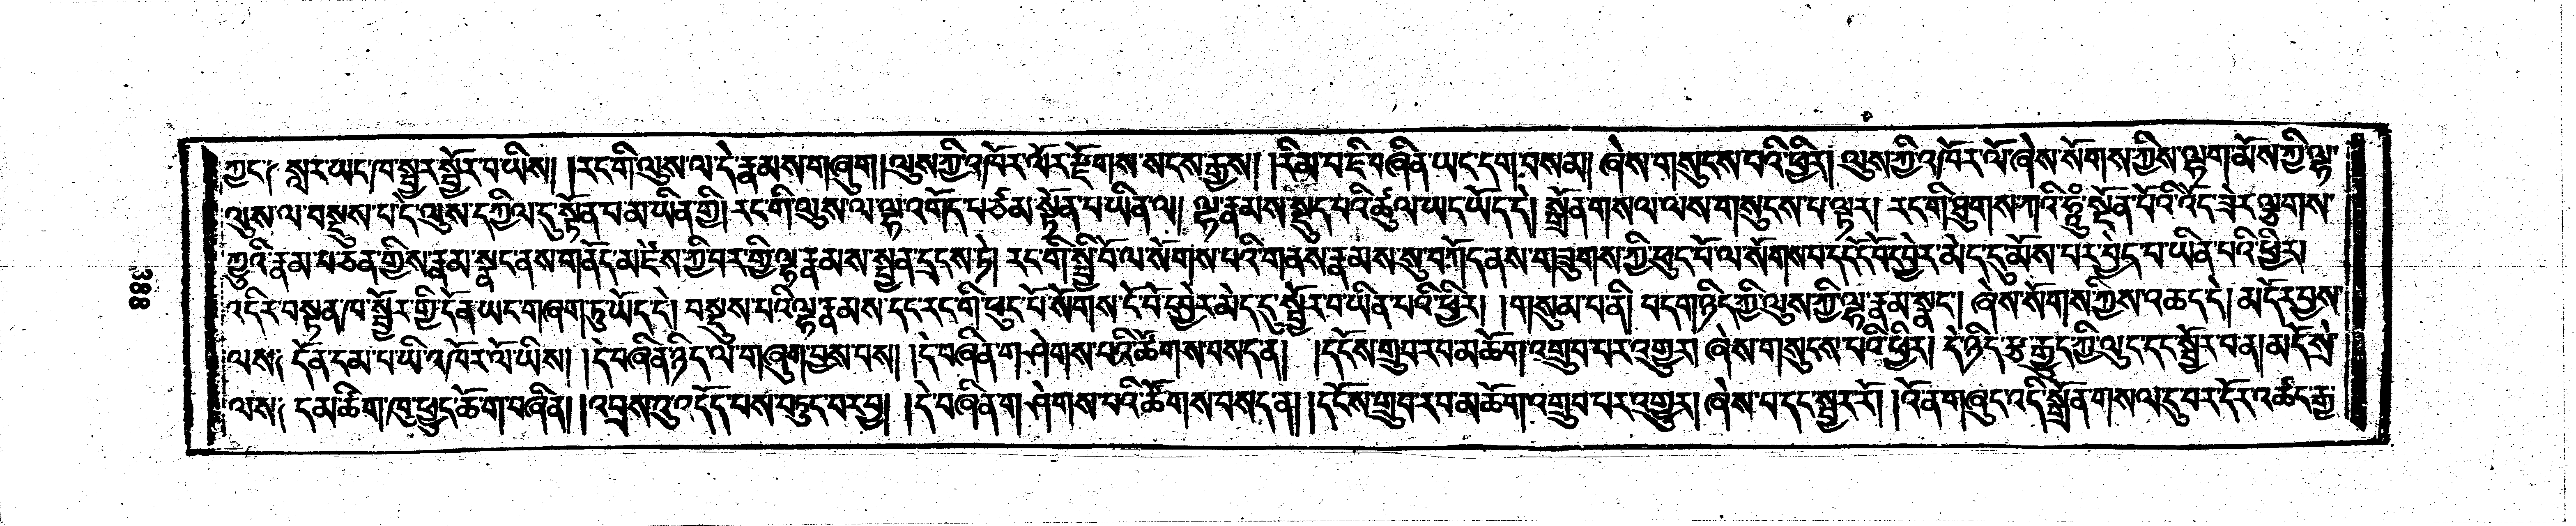ཀྱང༑ སླར་ཡང་ཁ་སྦྱར་སྦྱོར་བ་ཡིས། །རང་གི་ལུས་ལ་དེ་རྣམས་གཞུག །ལུས་ཀྱི་འཁོར་ལོར་རྫོགས་སངས་རྒྱས། །རིམ་པ་ཇི་བཞིན་ཡང་དག་བསམ། ཞེས་གསུངས་པའི་ཕྱིར། ལུས་ཀྱི་འཁོར་ལོ་ཞེས་སོགས་ཀྱིས་ལྷག་མོས་ཀྱི་ལྷ་
ལུས་ལ་བསྡུས་པ་དེ་ལུས་དཀྱིལ་དུ་སྟོན་པ་མ་ཡིན་གྱི། རང་གི་ལུས་ལ་ལྷ་འགོད་པ་ཙམ་སྟོན་པ་ཡིན་ལ། ལྷ་རྣམས་སྡུད་པའི་ཚུལ་ཡང་ཡོད་དེ། སྒྲོན་གསལ་ལས་གསུངས་པ་ལྟར། རང་གི་ཐུགས་ཀའི་ཧཱུཾ་སྔོན་པོའི་འོད་ཟེར་ལྕགས་
ཀྱུའི་རྣམ་པ་ཅན་གྱིས་རྣམ་སྣང་ནས་གནོད་མཛེས་ཀྱི་བར་གྱི་ལྷ་རྣམས་སྤྱན་དྲངས་ཏེ། རང་གི་སྤྱི་བོ་ལ་སོགས་པའི་གནས་རྣམས་སུ་བཀོད་ནས་གཟུགས་ཀྱི་ཕུང་པོ་ལ་སོགས་པ་དང་ངོ་བོ་དབྱེར་མེད་དུ་མོས་པར་བྱེད་པ་ཡིན་པའི་ཕྱིར།
འདིར་བསྟན་ཁ་སྦྱོར་གྱི་དོན་ཡང་གཞག་ཏུ་ཡོད་དེ། བསྡུས་པའི་ལྷ་རྣམས་དང་རང་གི་ཕུང་པོ་སོགས་ངོ་བོ་དབྱེར་མེད་དུ་སྦྱོར་བ་ཡིན་པའི་ཕྱིར། །གསུམ་པ་ནི། བདག་ཉིད་ཀྱི་ལུས་ཀྱི་ལྷ་རྣམ་སྣང་། ཞེས་སོགས་ཀྱིས་འཆད་དེ། མདོར་བྱས་
ལས༑ དོན་དམ་པ་ཡི་འཁོར་ལོ་ཡིས། །དེ་བཞིན་ཉིད་ལ་གཞུག་བྱས་པས། །དེ་བཞིན་གཤེགས་པའི་ཚོགས་བསད་ན། །དངོས་གྲུབ་རབ་མཆོག་འགྲུབ་པར་འགྱུར། ཞེས་གསུངས་པའི་ཕྱིར། དེ་ཉིད་རྩ་རྒྱུད་ཀྱི་ལུང་དང་སྦྱོར་བ་ན། མདོ་སྲེ་
ལས༑ དམ་ཚིག་ཁུ་ཕྱུད་ཆོ་ག་བཞིན། །འབྲས་བུ་འདོད་པས་བཏུད་པར་བྱ། །དེ་བཞིན་གཤེགས་པའི་ཚོགས་བསད་ན། །དངོས་གྲུབ་རབ་མཆོག་འགྲུབ་པར་འགྱུར། ཞེས་པ་དང་སྦྱར་རོ། །འོ་ན་གཞུང་འདི་སྒྲོན་གསལ་དུ་བར་དོར་འཚང་རྒྱ་